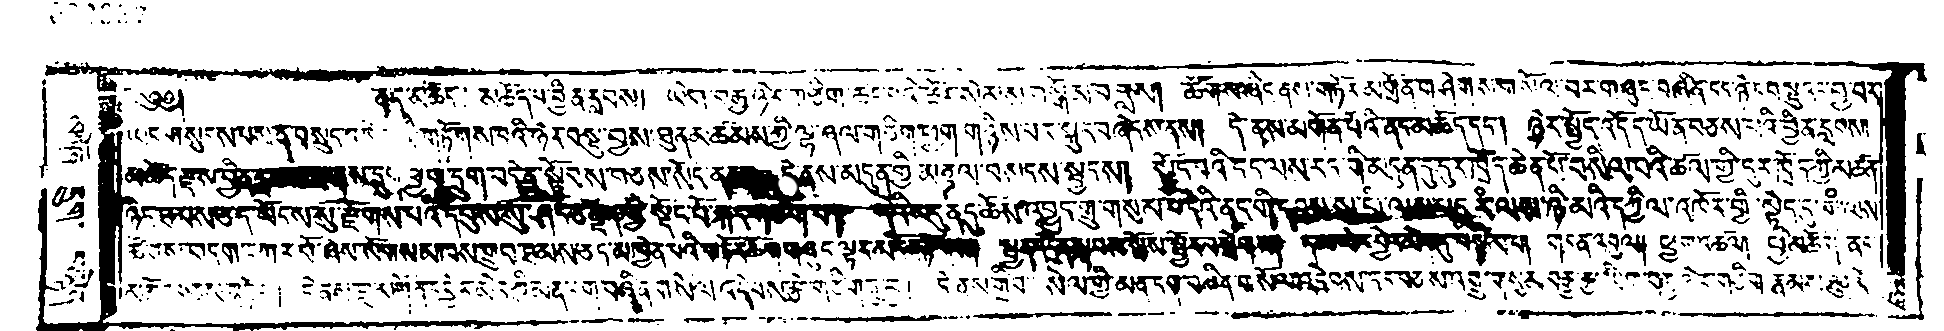༄༅། །ནང་མཆོད། མཆོད་པ་བྱིན་རླབས། ཡིག་བརྒྱ་ཉེར་གཅིག་ཚང་བའི་རྡོར་སེམས་བསྒོམ་བཟླས། ཚོགས་ཞིང་ནས་གཏོར་མགྲོན་གཤེགས་གསོལ་བར་གཞུང་བཞིན་དང་ཉེར་བསྡུའང་བྱ་བར་
ཡང་གསུངས་པས་ན་བསྲུང་འཁོར་བའི་གཏོགས་པའི་ཉེར་བསྡུ་བྱས་ཐུན་མཚམས་ཀྱི་ལྷ་ཞལ་གཅིག་ཕྱག་གཉིས་པར་སྐུར་བཞེངས་ནས། དེ་ནས་མགོན་པོའི་ནང་མཆོད་དང་།  ཉེར་སྤྱོད་འདོད་ཡོན་བཅས་པའི་བྱིན་རླབས།
མཆོད་རྫས་བྱིན་རླབས་སྔགས་དྲུག་ཕྱག་རྒྱ་དྲུག་བདེན་སྟོབས་བཅས་སོང་ནས། དེ་ནས་མདུན་གྱི་མཎྜལ་བསངས་སྦྱངས། སྟོང་པའི་ངང་ལས་རང་གི་མདུན་དུ་དུར་ཁྲོད་ཆེན་པོ་བསིལ་བའི་ཚལ་གྱི་དུར་ཁྲོད་ཀྱི་མཚན་
ཉིད་ཐམས་ཅད་ཡོངས་སུ་རྫོགས་པའི་དབུས་སུ་ཤིང་ཙནྡན་གྱི་སྡོང་པོ་རྐང་གཅིག་པ། དེའི་མདུན་དུ་ཆོས་འབྱུང་གྲུ་གསུམ་པ་དེའི་ནང་གི་དབུས་སུ་པཾ་ལས་པདམ་རཾ་ལས་ཉི་མའི་དཀྱིལ་འཁོར་གྱི་སྟེང་དུ་གཾ་ལས་
ཚོགས་བདག་དཀར་པོ་ཞེས་སོགས་མཁས་གྲུབ་ཐམས་ཅད་མཁྱེན་པའི་གཏོར་ཆོག་གཞུང་ལྟར་མངོན་རྟོགས། སྤྱན་འདྲེན་སྐབས་སྤོས་སྦྱོར་བསྲེགས། དམ་ཡེ་དབྱེར་མེད་དུ་བསྟིམ་པ། གདན་འབུལ། ཕྱག་འཚལ། ཕྱི་མཆོད། ནང་
མཆོད་བཅས་གཏོང་། དེ་ནས་བླ་མགོན་དབྱེར་མེད་ཀྱི་མན་ངག་བཞིན་གསོལ་འདེབས་རྩེ་གཅིག་ཏུ་བྱ། དེ་ནས་གྲིབ་སེལ་གྱི་མན་ངག་བཞིན་གསོལ་འདེབས་དང་བཅས་འབྲུ་གསུམ་བརྒྱ་རྩ་ཡིག་བརྒྱ་ཉེར་གཅིག་རྣམས་ཐུན་མོང་